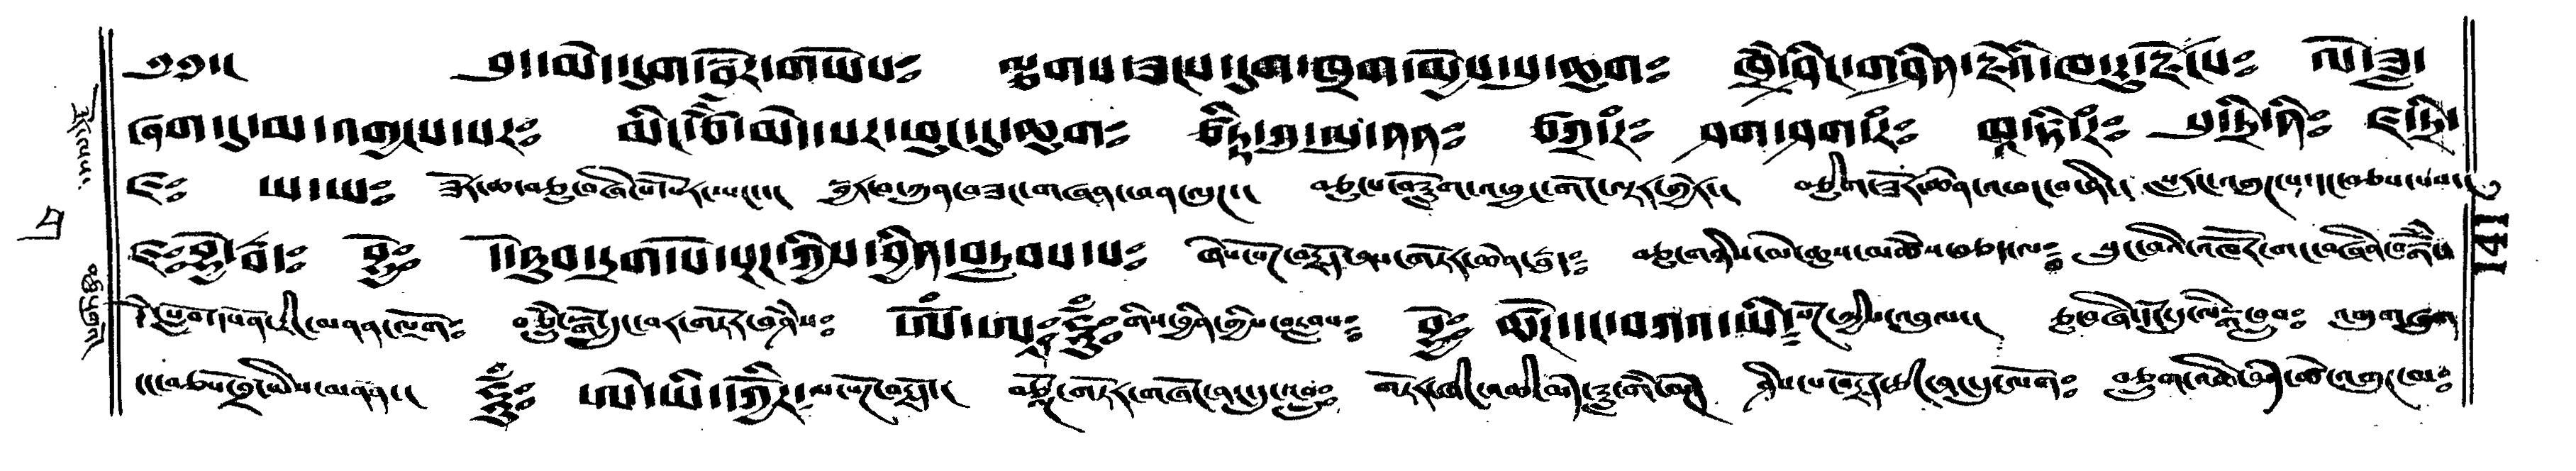བུད་མེད་དུག་སྦྱོར་གཡོས༔ ལྕགས་ཟངས་དུག་ཁྲག་མྱོས་སུ་ཆུགས༔ ཁྲམ་ཤིང་གཤིན་རྗེའི་ཁ་རུ་རྫོངས༔ ལོ་ཟླ་
ཞག་དུ་མ་འགྱངས་པར༔ མིང་ཙམ་མེད་པར་ཕུང་དུ་ཆུགས༔ ཙིཏྟ་ཀུ་ལུ་ནན༔ ཙཀྲ་རཾ༔ ཤག་ཤག་རཾ༔ ཁཱ་ཧི་རཾ༔ སུ་ཏྲི་ནི༔ ཛ་ཏྲི་
ཛ༔ ཡ་ཡ༔ ཟོར་ཆ་བཅུ་བཞི་སོ་སོར་ཡང་། །སྦྱར་བ་ཀུན་བཟང་གཞན་ཕན་ལུགས། །བཅུ་པ་ཟློག་འཕྱང་གོང་ལྟར་གྱེར། །བཅུ་གཅིག་ཟོར་ཆེན་འཕང་བ་ནི། །སླར་ཡང་འགུགས་པ་དང་བཅས་པས། 
ཛཿབྷྱོ་རྦད༔ བྷྱོ༔ དོ་ནུབ་དྲག་པོ་སྔགས་ཀྱིས་བྱིན་བརླབས་པ༔ ཞེས་སོགས་བརྗོད་ནས་གཏོར་ཆེན་རྦུད༔ །བཅུ་གཉིས་མེ་ཆུས་མཚམས་བཅད་ལ། །སྲུང་བའི་འཁོར་ལོ་གོང་བཞིན་སྒོམས། 
རྡོ་རྗེ་སློབ་དཔོན་རྟིང་མནན་ལྡོག༔ བཅུ་གསུམ་ཙམ་སྒོ་དྲུང་བར་གཏོར་བཤམས༔ ཨོཾ་ཨཱཿཧཱུྃ༔ གིས་བྱིན་གྱིས་རློབས། བྷྱོ༔ ཚོགས་དང་བཀའ་ཡི༴ སོགས་ཀྱིས་འབུལ། །བཅུ་བཞི་དོང་དུ་ལིང་ག་བྲུབ། །འགུག་གཞུག་
དང་བཅས་བྲོ་ཡིས་མནན། ཧཱུྃ༔ ཨེ་ཡི་དཀྱིལ་འཁོར ༴ལ་སོགས་བརྗོད། །བཅོ་ལྔ་གཏོར་གཞོང་ནང་དུ་འབྲུ། །གཏོར་ཞིང་འཆི་མེད་ཟླ་གམ་བསྔོ། །ཤིས་པ་བརྗོད་ཅིང་ནང་དུ་ལོག །བཅུ་དྲུག་འཆི་མེད་ཚེ་འགུགས་ལ༔